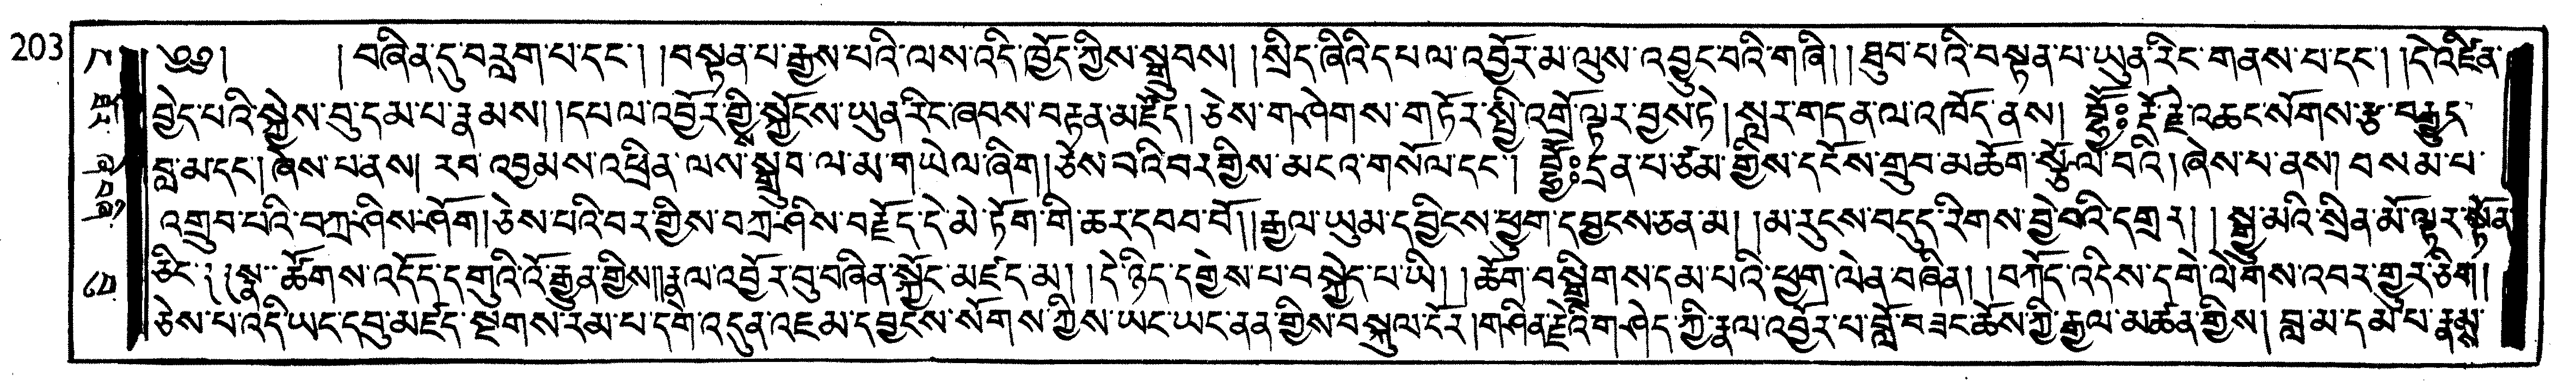༄༅། །བཞིན་དུ་བརླག་པ་དང་། །བསྟན་པ་རྒྱས་པའི་ལས་འདི་ཁྱོད་ཀྱིས་སྒྲུབས། །སྲིད་ཞིའི་དཔལ་འབྱོར་མ་ལུས་འབྱུང་བའི་གཞི། །ཐུབ་པའི་བསྟན་པ་ཡུན་རིང་གནས་པ་དང་། །དེ་འཛིན་བྱེད་པའི་སྐྱེས་བུ་དམ་པ་རྣམས། །དཔལ་འབྱོར་གྱིས་སྐྱོངས་ཡུན་རིང་ཞབས་བརྟན་མཛོད། ཅེས་གཤེགས་གཏོར་སྤྱི་འགྲོ་ལྟར་བྱས་ཏེ། སླར་གདན་ལ་འཁོད་ནས། བྷྱཽཿ རྡོ་རྗེ་འཆང་སོགས་རྩ་བརྒྱུད་
བླ་མ་དང་། ཞེས་པ་ནས། རབ་འབྱམས་འཕྲིན་ལས་སྒྲུབ་ལ་མ་གཡེལ་ཞིག །ཅེས་བའི་བར་གྱིས་མངའ་གསོལ་དང་། བྷྱཽཿ དྲན་པ་ཙམ་གྱིས་དངོས་གྲུབ་མཆོག་སྩོལ་བའི། ཞེས་པ་ནས། བསམ་པ་
འགྲུབ་པའི་བཀྲ་ཤིས་ཤོག །ཅེས་པའི་བར་གྱིས་བཀྲ་ཤིས་བརྗོད་དེ་མེ་ཏོག་གི་ཆར་དབབ་བོ། །རྒྱལ་ཡུམ་དབྱིངས་ཕྱུག་དབྱངས་ཅན་མ། །མ་རུངས་བདུད་རིགས་བྱེ་བའི་དགྲར། །སྒྱུ་མའི་སྲིན་མོ་ལྟར་སྟོན་
ཅིང༑ ༑སྣ་ཚོགས་འདོད་དགུའི་འོ་རྒྱུན་གྱིས། །རྣལ་འབྱོར་བུ་བཞིན་སྐྱོང་མཛད་མ། །དེ་ཉིད་དགྱེས་པ་བསྐྱེད་པ་ཡི། །ཆོག་བསྒྲིགས་དམ་པའི་ཕྱག་ལེན་བཞིན། །བཀོད་འདིས་དགེ་ལེགས་འབར་གྱུར་ཅིག །
ཅེས་པ་འདི་ཡང་དབུ་མཛད་སྔགས་རམ་པ་དགེ་འདུན་འཇམ་དབྱངས་སོགས་ཀྱིས་ཡང་ཡང་ནན་གྱིས་བསྐུལ་ངོར། གཤིན་རྗེའི་གཤེད་ཀྱི་རྣལ་འབྱོར་པ་བློ་བཟང་ཆོས་ཀྱི་རྒྱལ་མཚན་གྱིས། བླ་མ་དམ་པ་རྣམས་